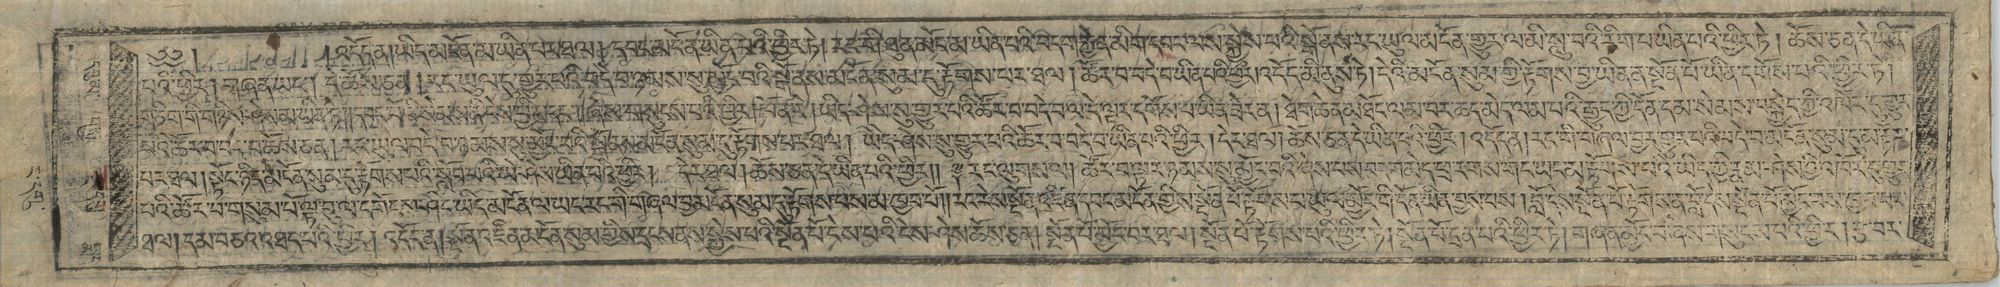༄༅། །འདོད་ན། ཡིད་མངོན་མ་ཡིན་པར་ཐལ། དབང་མངོན་ཡིན་པའི་ཕྱིར་ཏེ། རང་གི་ཐུན་མོང་མ་ཡིན་པའི་བདག་རྐྱེན་མིག་དབང་ལས་སྐྱེས་པའི་སྒོ་ནས་རང་ཡུལ་མངོན་གྱུར་ལ་མི་སླུ་བའི་རིག་པ་ཡིན་པའི་ཕྱིར་ཏེ། ཆོས་ཅན་དེ་ཡིན་
པའི་ཕྱིར། གཞན་ཡང་། དེ་ཆོས་ཅན། རང་ཡུལ་དུ་གྱུར་པའི་བདེ་བ་ཉམས་སུ་མྱོང་བའི་སྒོ་ནས་མངོན་སུམ་དུ་རྟོགས་པར་ཐལ། ཚོར་བ་བདེ་བ་ཡིན་པའི་ཕྱིར། འདོད་མི་ནུས་ཏེ། དེའི་མངོན་སུམ་གྱི་རྟོགས་བྱ་ཡིན་ན་སྔོན་པོ་ཡིན་དགོས་པའི་ཕྱིར་ཏེ།
གཅིག་གི་གཉིས་ཤེས་མ་ཡིན་ཏེ། །དབང་པོའི་སེམས་ནི་ངེས་ཕྱིར་དང་། །ཞེས་གསུངས་པའི་ཕྱིར། ཁོ་ན་རེ། ཡིད་ཤེས་སུ་གྱུར་པའི་ཚོར་བ་བདེ་བ་ལ་དེ་ལྟར་དགོས་པ་ཡིན་ཟེར་ན། ཐེག་ཆེན་མཐོང་ལམ་བར་ཆད་མེད་ལམ་པའི་རྒྱུད་ཀྱི་དོན་དམ་སེམས་བསྐྱེད་ཀྱི་འཁོར་དུ་གྱུར་
པའི་ཚོར་བ་བདེ་བ་ཆོས་ཅན། རང་ཡུལ་བདེ་བ་ཉམས་སུ་མྱོང་བའི་སྒོ་ནས་མངོན་སུམ་དུ་རྟོགས་པར་ཐལ། ཡིད་ཤེས་སུ་གྱུར་པའི་ཚོར་བ་བདེ་བ་ཡིན་པའི་ཕྱིར། དེར་ཐལ། ཆོས་ཅན་དེ་ཡིན་པའི་ཕྱིར། འདོད་ན། རང་གི་གཞལ་བྱར་གྱུར་པའི་བདེ་བ་མངོན་སུམ་དུ་མ་རྟོགས་
པར་ཐལ། སྟོང་ཉིད་མངོན་སུམ་དུ་རྟོགས་པའི་སློབ་པའི་ཡེ་ཤེས་ཡིན་པའི་ཕྱིར། དེར་ཐལ། ཆོས་ཅན་དེ་ཡིན་པའི་ཕྱིར།། ༈ རང་ལུགས་ལ། ཚོར་བ་ལྟར་ཉམས་སུ་མྱོང་བའི་ཞེས་པས་བདག་མེད་ཕྲ་རགས་གང་ཡང་མ་རྟོགས་པའི་ཡིད་ཀྱི་རྣམ་ཤེས་ཀྱི་འཁོར་དུ་གྱུར་
པའི་ཚོར་བ་གསུམ་པོ་ལྟ་བུ་ལ་དགོངས་ཤིང་ཡིད་མངོན་ལ་ཡང་རང་གི་གཞལ་བྱ་མངོན་སུམ་དུ་རྟོགས་པས་མ་ཁྱབ་པོ། །རང་རེས་སྔོན་འཛིན་དབང་མངོན་གྱིས་སྔོན་པོ་རྟོགས་པ་ཡུལ་མྱོང་གི་དོན་ཡིན་བྱས་པས། བློ་དེས་སྔོན་པོ་རྟོགས་ན་བློ་དེས་སྔོན་པོ་མྱོང་བས་ཁྱབ་པར་
ཐལ། དམ་བཅའ་འཐད་པའི་ཕྱིར། འདོད་ན། སྔོན་འཛིན་མངོན་སུམ་གྱིས་དྲངས་ནས་སྐྱེས་པའི་སྔོན་པོ་ངེས་པའི་ངེས་ཤེས་ཆོས་ཅན། སྔོན་པོ་མྱོང་བར་ཐལ། སྔོན་པོ་རྟོགས་པའི་ཕྱིར་ཏེ། སྔོན་པོ་དྲན་པའི་ཕྱིར་ཏེ། གཞན་མྱོང་བ་ཞེས་གསུངས་པའི་ཕྱིར། རྩ་བར་